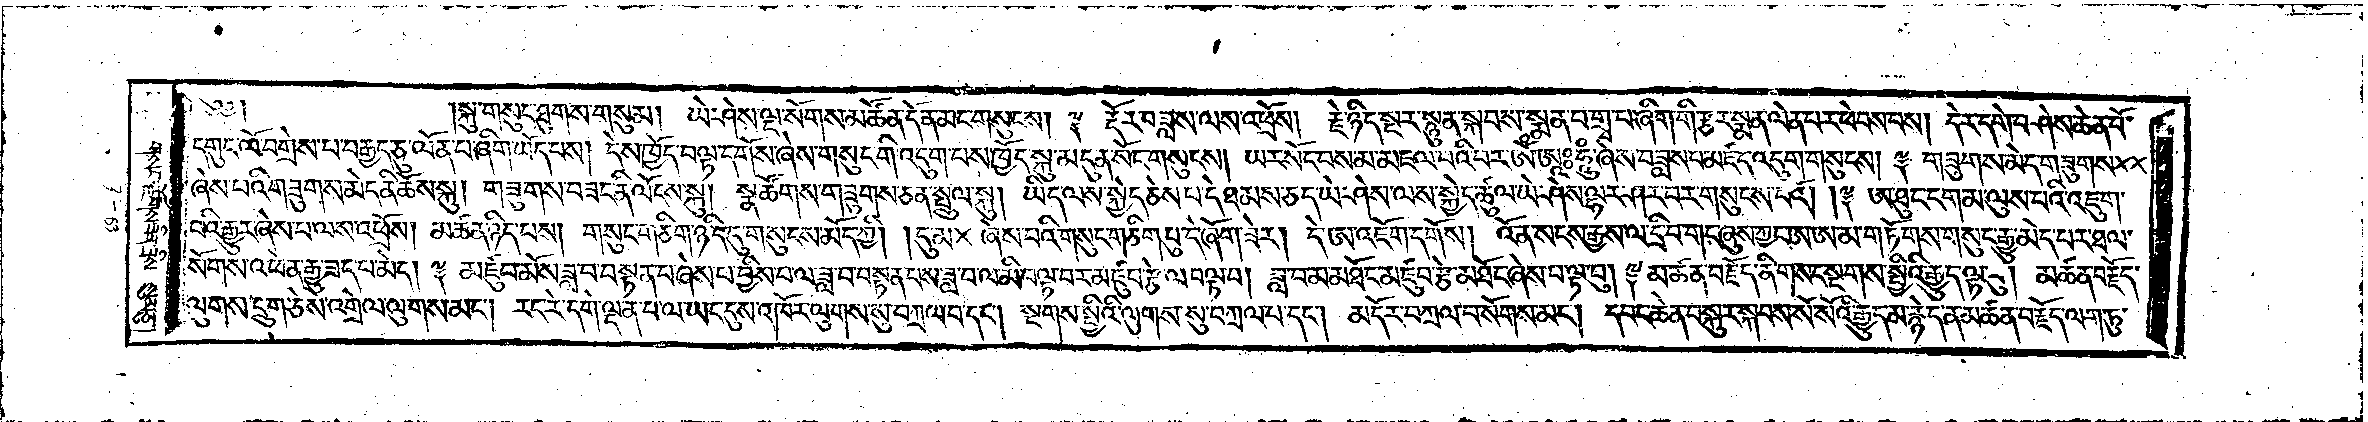༄༅། །སྐུ་གསུང་ཐུགས་གསུམ། ཡེ་ཤེས་ལྔ་སོགས་མཚོན་དོན་མང་གསུངས། ༈ རྡོར་བཟླས་ལས་འཕྲོས། རྗེ་ཉིད་སྔར་སྙུན་སྐབས་སྨན་བ་གྲྭ་པ་ཞིག་གི་རྩར་སྨན་ལེན་པར་ཕེབས་པས། དེར་དགེ་བཤེས་ཆེན་པོ་
དགུང་ལོ་བགྲེས་པ་བརྒྱད་ཅུ་ལོན་པ་ཞིག་ཡོད་པས། དེས་ཁྱོད་བལྟ་དགོས་ཞེས་གསུང་གི་འདུག་པས་ཁྱོད་སྐུ་མདུན་སོང་གསུངས། ཡར་སོང་བས་མ་མཇལ་པའི་པར་ཨོཾ་ཨཱཿཧཱུཾ་ཞེས་བཟླས་པ་མཛད་འདུག་གསུངས། ༈ གཟུགས་མེད་གཟུགས྾྾་
ཞེས་པའི་གཟུགས་མེད་ནི་ཆོས་སྐུ། གཟུགས་བཟང་ནི་ལོངས་སྐུ། སྣ་ཚོགས་གཟུགས་ཅན་སྤྲུལ་སྐུ། ཡིད་ལས་སྐྱེད་ཅེས་པ་དེ་ཐམས་ཅད་ཡེ་ཤེས་ལས་སྐྱེད་ཚུལ་ཡེ་ཤེས་ལྷར་ཤར་བར་གསུངས་པའོ། །༈ ཨ་ཐུང་ངག་མ་ལུས་པའི་འཇུག་
བའི་རྒྱུར་ཞེས་པ་ལས་འཕྲོས། མཚན་ཉིད་པས། གསུང་གཅིག་ཉིད་དུ་གསུངས་མོད་ཀྱི། །དུ་མ྾་ཞེས་པའི་གསུང་གཅིག་པུ་དེ་ཞོག་ཟེར། དེ་ཨ་འཇོག་དགོས། འོ་ན་སངས་རྒྱས་ལ་དྲི་བ་གང་ཞུས་ཀྱང་ཨ་ཨ་མ་གཏོགས་གསུང་རྒྱུ་མེད་པར་ཐལ་སོགས་འཕེན་རྒྱུ་ཟད་པ་མེད། ༈ མཛུབ་མོས་ཟླ་བ་བསྟན་པ་ཞེས་པ་བྱིས་པ་ལ་ཟླ་བ་བསྟན་པས་ཟླ་བ་ལ་མི་བལྟ་བར་མཛུབ་རྩེ་ལ་བལྟ་བ། ཟླ་བ་མ་མཐོང་མཛུབ་རྩེ་མཐོང་ཞེས་པ་ལྟ་བུ། ༈ མཚན་བརྗོད་ནི་གསང་སྔགས་སྤྱིའི་རྒྱུད་ལྟ་བུ། མཚན་བརྗོད་
ལུགས་དྲུག་ཅེས་འགྲེལ་ལུགས་མང་། རང་རེ་དགེ་ལྡན་པ་ལ་ཡང་དུས་འཁོར་ལུགས་སུ་བཀྲལ་བ་དང་། སྔགས་སྤྱིའི་ལུགས་སུ་བཀྲལ་བ་དང་། མདོར་བགྲལ་བ་སོགས་མང་། དབང་ཆེན་བསྐུར་སྐབས་སོ་སོའི་རྒྱུད་མ་རྙེད་ན་མཚན་བརྗོད་ལག་ཏུ་